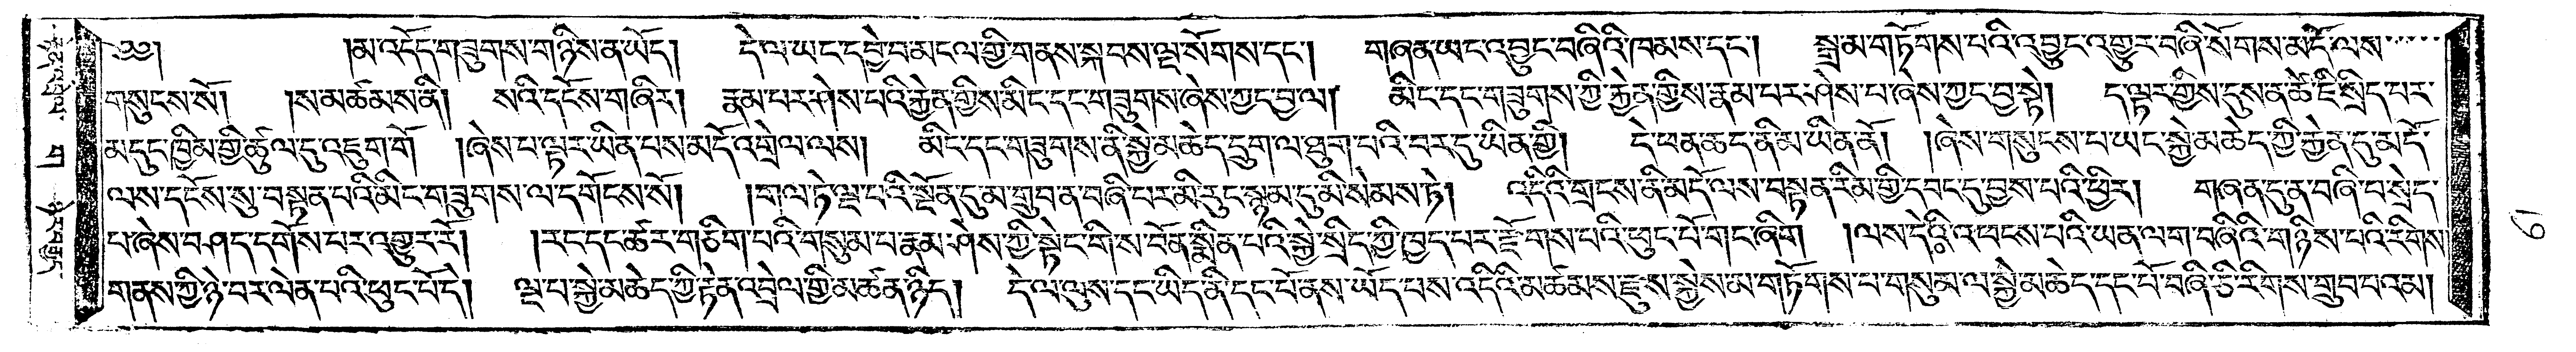༄༅། །མ་འདོད་གཟུགས་གཉིས་ན་ཡོད། དེ་ལ་ཡང་དབྱེ་བ་མངལ་གྱི་གནས་སྐབས་ལྔ་སོགས་དང་། གཞན་ཡང་འབྱུང་བཞིའི་ཁམས་དང་། སྒྲ་མ་གཏོགས་པའི་འབྱུང་འགྱུར་བཞི་སོགས་མདོ་ལས་
གསུངས་སོ། །ས་མཚམས་ནི། སའི་དངོས་གཞིར། རྣམ་པར་ཤེས་པའི་རྐྱེན་གྱིས་མིང་དང་གཟུགས་ཞེས་ཀྱང་བྱ་ལ། མིང་དང་གཟུགས་ཀྱི་རྐྱེན་གྱིས་རྣམ་པར་ཤེས་པ་ཞེས་ཀྱང་བྱ་སྟེ། ད་ལྟར་གྱིས་དུས་ན་ཚེ་ཇི་སྲིད་པར་
མདུད་ཁྱིམ་གྱི་ཚུལ་དུ་འཇུག་གོ །ཞེས་པ་ལྟར་ཡིན་པས་མདོ་འགྲེལ་ལས། མིང་དང་གཟུགས་ནི་སྐྱ་མཆེད་དྲུག་ལ་ཐུགས་པའི་བར་དུ་ཡིན་གྱི། དེ་ཕན་ཆད་ནི་མ་ཡིན་ནོ། །ཞེས་གསུངས་པ་ཡང་སྐྱེ་མཆེད་ཀྱི་རྐྱེན་དུ་མདོ་
ལས་དངོས་སུ་བསྟན་པའི་མིང་གཟུགས་ལ་དགོངས་སོ། །གལ་ཏེ་ལྔ་པའི་སྔོན་དུ་མ་གྲུབ་ན་བཞི་པར་མི་རུང་སྙམ་དུ་མི་སེམས་ཏེ། འདིའི་གྲངས་ནི་མདོ་ལས་བསྟན་རིམ་གྱི་དབང་དུ་བྱས་པའི་ཕྱིར། གཞན་དུ་ན་བཞི་བསྲེད་
པ་ཞེས་བཤད་དགོས་པར་འགྱུར་རོ། །རང་དང་ཚར་གཅིག་པའི་གསུམ་པ་རྣམ་ཤེས་ཀྱི་སྟང་གི་ས་བོན་སྨིན་པའི་སྐྱེ་སྲིད་ཀྱི་ཁྱད་པར་རྫོགས་པའི་ཕུང་པོ་གང་ཞིག །ལས་དེའི་འཕངས་པའི་ཡན་ལག་བཞིའི་གཉིས་པའི་རིགས་
གནས་ཀྱི་ཉེ་བར་ལེན་པའི་ཕུང་པོ་དེ། ལྔ་པ་སྐྱེ་མཆེད་ཀྱི་རྟེན་འབྲེལ་གྱི་མཚན་ཉིད། དེ་ལ་ལུས་དང་ཡིད་ནི་དང་པོ་ནས་ཡོད་པས་འདིའི་མཚམས་རྫུས་སྐྱེས་མ་གཏོགས་པ་གསུམ་ལ་སྐྱེ་མཆེད་དང་པོ་བཞི་ཅི་རིགས་གྲུབ་པའམ།